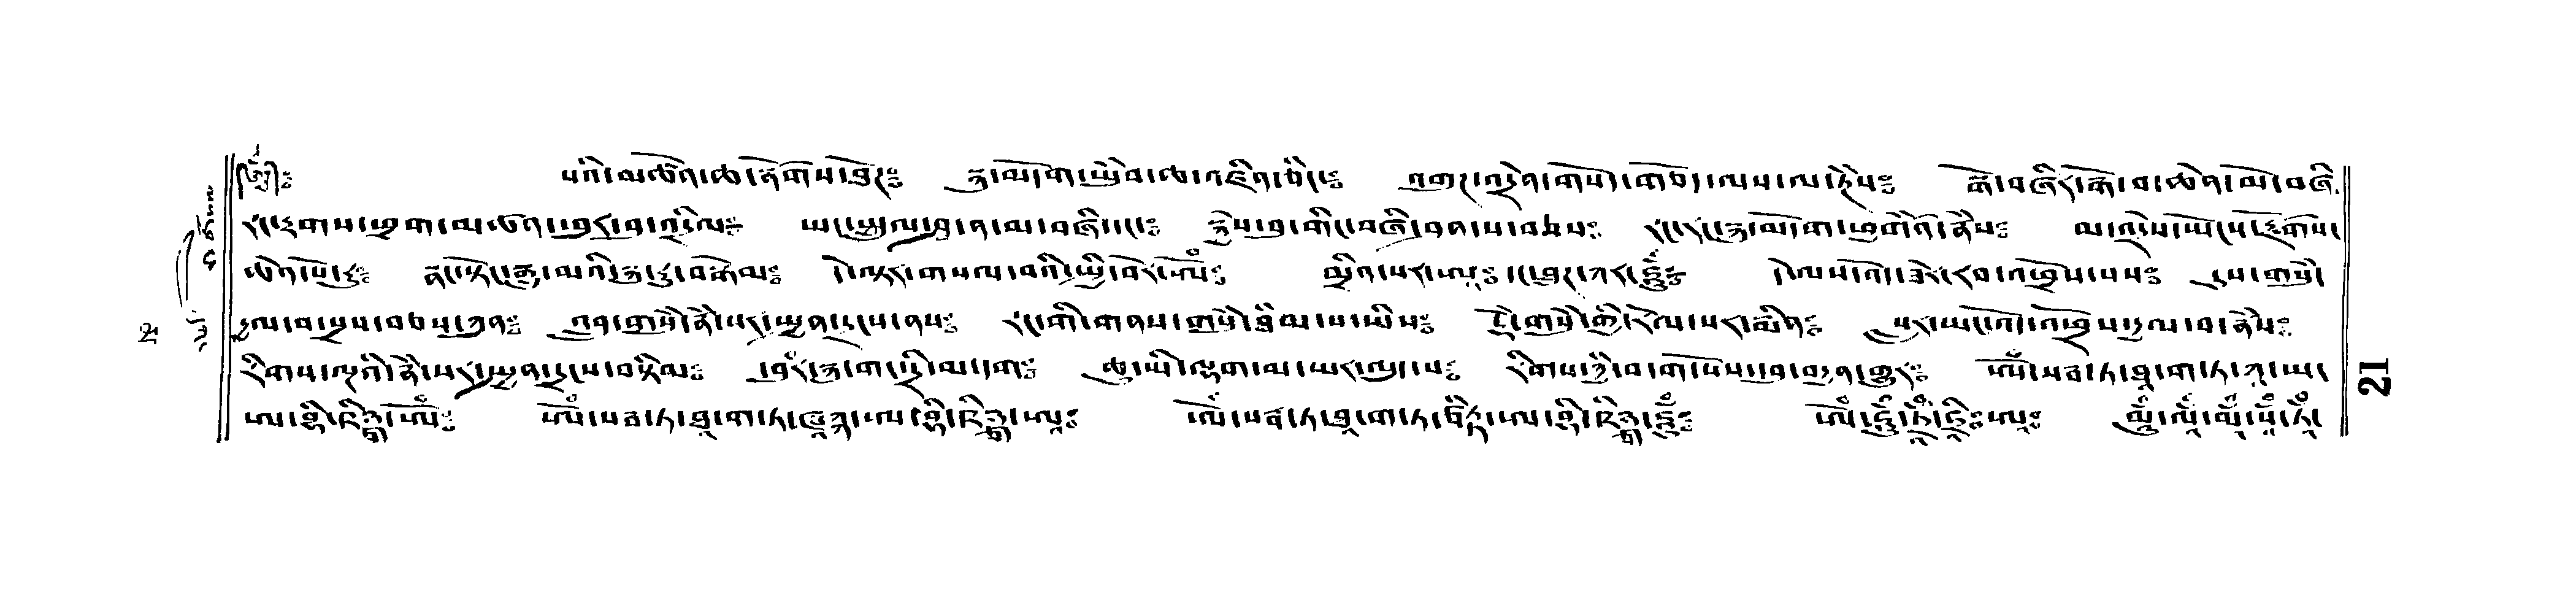པའི་མཚོན་ཆ་སྣ་ཚོགས་ཐོགས༔སྐུ་མདོག་ཡབ་ཡུམ་ཆ་འཛིན་ཅིང༔ འགུགས་འདྲེན་གསོད་གཅོད་ལས་ལ་རྔམས༔ སྒོ་བཞིར་སྒོ་མ་ཆེན་མོ་བཞི༔ 
རང་རྟགས་ཕྱག་མཚན་ཕུར་བུ་འདྲིལ༔ ཡང་སྤྲུལ་ཤྭ་ན་མ་བཞི་དང༔ སྐྱེས་བུ་གིང་བཞི་ཤན་པ་བཅས༔ རང་རང་སྐུ་མདོག་ཕྱག་མཚན་རྣམས༔ མ་འདྲེས་ཡོངས་རྫོགས་
ཆེན་པོ་རུ༔ སྣང་སྟོང་སྒྱུ་མའི་སྐུ་རུ་བསྒོམ༔ དེ་ལྟར་གསལ་བའི་སྤྱི་བོར་ཨོཾ༔ མགྲིན་པར་ཨཱཿདང་ཐུགས་ཀར་ཧཱུྃ༔ དེ་ལས་འོད་ཟེར་རབ་འཕྲོས་པསཿ དུས་གསུམ་
རྒྱལ་བ་སྲས་བཅས་ཀུན༔ འབྲུ་གསུམ་རྣམ་པར་སྤྱན་དྲངས་ནས༔ རང་གི་གནས་གསུམ་ཐིམ་པ་ཡིས༔ རྡོ་རྗེ་གསུམ་གྱི་རོལ་པར་སྨིན༔ སླར་ཡང་འོད་འཕྲོས་རྒྱལ་བ་རྣམས༔ 
རིགས་ལྔའི་རྣམ་པར་སྤྱན་དྲངས་བསྟིམ༔ དབང་བསྐུར་སྐུ་གང་དྲི་མ་དག༔ ཆུ་ཡི་ལྷག་མ་ཡར་ལུད་པ༔ རིགས་ཀྱི་བདག་པོས་དབུ་བརྒྱན་གྱུར༔ ཨོཾ་སརྦ་ཏ་ཐཱ་ག་ཏ་ཀཱ་ཡ་
ཨ་བྷི་རིཉྩ་ཨོཾ༔ ཨོཾ་སརྦ་ཏ་ཐཱ་ཏ་ཝཱཀྐ་ཨ་བྷི་རིཉྩ་ཨཱཿ ཨོཾ་སརྦ་ཏ་ཐཱ་ག་ཏ་ཙིཏྟ་ཨ་བྷི་རིཉྩ་ཧཱུྃ༔ ཨོཾ་ཧཱུྃ་ཏྲཱྃ་ཧྲཱིཿཨཱཿ མཱུྃ་ལཱྃ་མཱྃ་པཱྃ་ཏཱྃ་